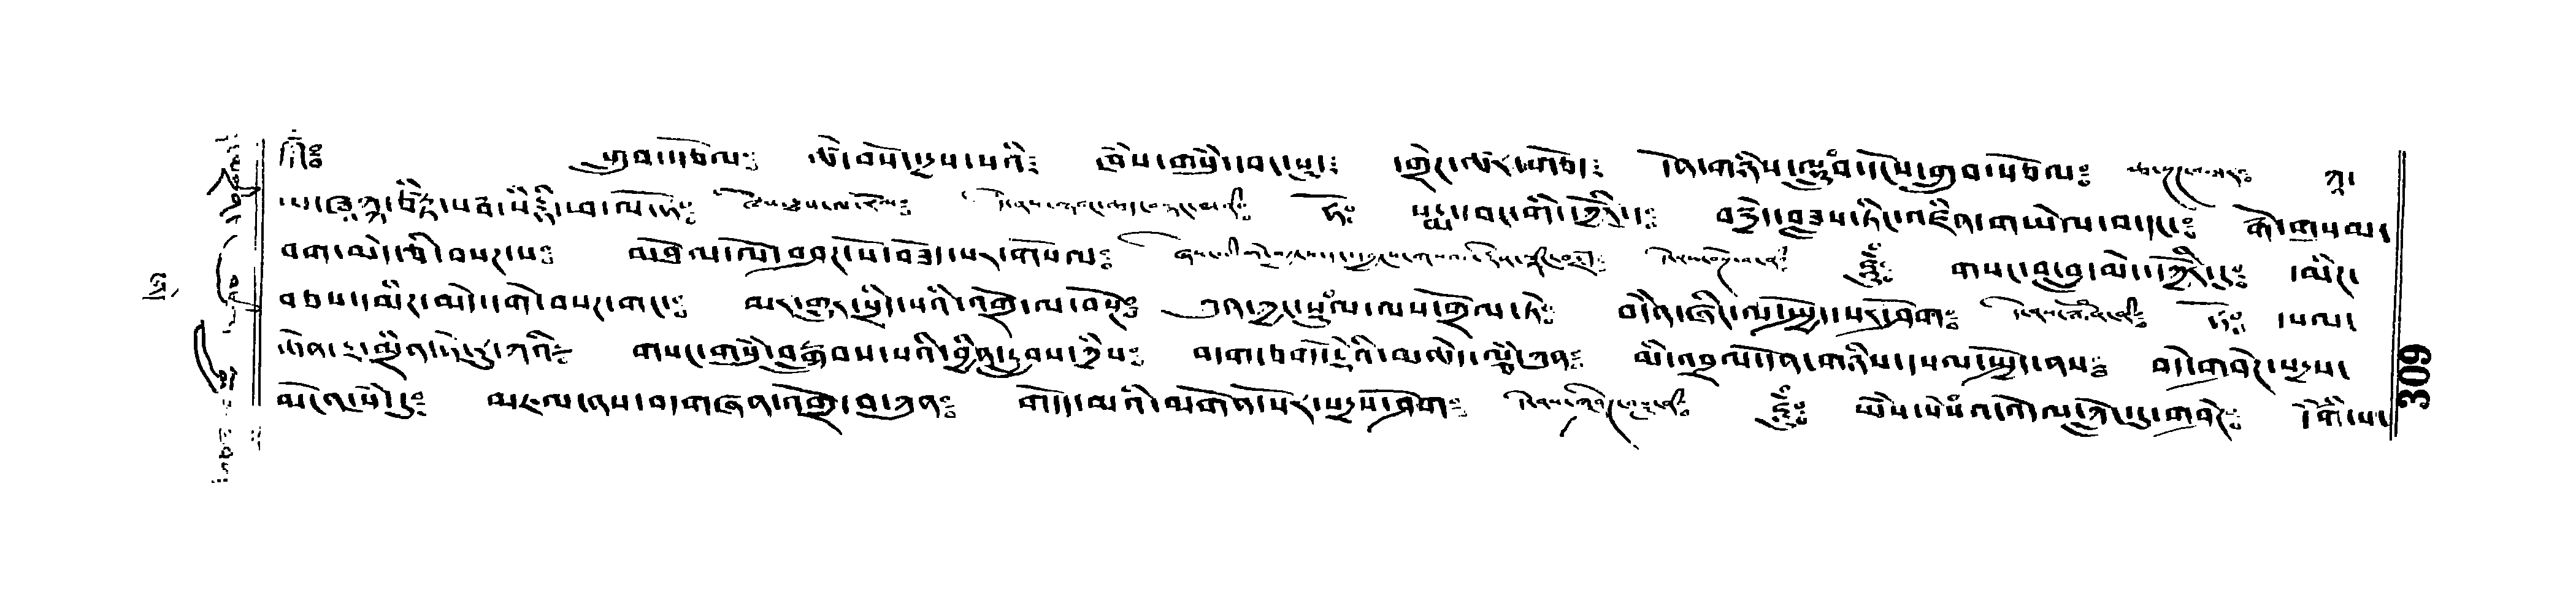གྲུབ་སྩོལ༔ ཚེ་བསོད་རྒྱས་པའི༴ ཁམས་གསུམ་དབང་སྡུད༴ དགྲ་བགེགས་ཚར་གཅོད༴ དོན་གཉིས་ལྷུན་གྲུབ་དངོས་གྲུབ་སྩོལ༔ རྩ་སྔགས་མཐར༔ ཀཱ་
ཡ་ཝཱཀྐ་ཙིཏྟ་སརྦ་སིདྡྷི་ཕ་ལ་ཧོཿ ཞེས་རྫས་ལ་རོལ༔ དེ་ནས་ལྷག་ཆད་བསྐང་བ་ནི༔ ཧོཿ པདྨ་དབང་གི་དཀྱིལ་འཁོར་དུ༔ བསྐྱེད་བཟླས་ཏིང་འཛིན་གཡེལ་བ་དང༔ སྒོ་གསུམ་
བག་མེད་ཅི་བསགས་པ༔ མཐོལ་ལོ་བཤགས་སོ་བཟོད་པར་གསོལ༔ ཞེས་ཡི་གེ་བརྒྱ་པ་དང་དབྱངས་གསལ་རྟེན་སྙིང་བརྗོད༔ དེ་ནས་བསྔོ་བ་ནི༔ ཧཱུྃ༔ གསང་བ་བླ་མེད་དཀྱིལ་འཁོར་དུ༔ དམིགས་
བཅས་དམིགས་མེད་དགེ་བསགས་གང༔ མར་གྱུར་སྲིད་པའི་འགྲོ་ལ་བསྔོ༔ ཀུན་ཀྱང་སྡུག་བསྔལ་ལས་གྲོལ་ཏེ༔ བདེ་ཆེན་ཞིང་ལ་སྤྱོད་པར་ཤོག༔ དེ་ནས་སྨོན་ལམ་ནི༔ ཧོཿ དཔལ་
ཆེན་རྟ་མགྲིན་ཧེ་རུ་ཀའི༔ གསང་གསུམ་བསྒྲུབས་པའི་བྱིན་རླབས་ཀྱིས༔ བདག་ཅག་རྡོ་རྗེའི་མཆེད་ལྕམ་ཀུན༔ མི་འབྲལ་དོན་གཉིས་དཔལ་སྤྱོད་ནས༔ བདེ་གཤེགས་སངས་རྒྱས་
མངོན་སུམ་དུ༔ མཇལ་ནས་བདག་གཞན་འགྲོ་བ་ཀུན༔ གདོད་མའི་མགོན་པོར་སངས་རྒྱས་ཤོག༔ དེ་ནས་གཤེགས་བསྡུ་ནི༔ ཧཱུྃ༔ ཡེ་ཤེས་སེམས་དཔའ་འོད་གསལ་ཀློང་དུ་གཤེགས༔ དམ་ཚིག་པ་